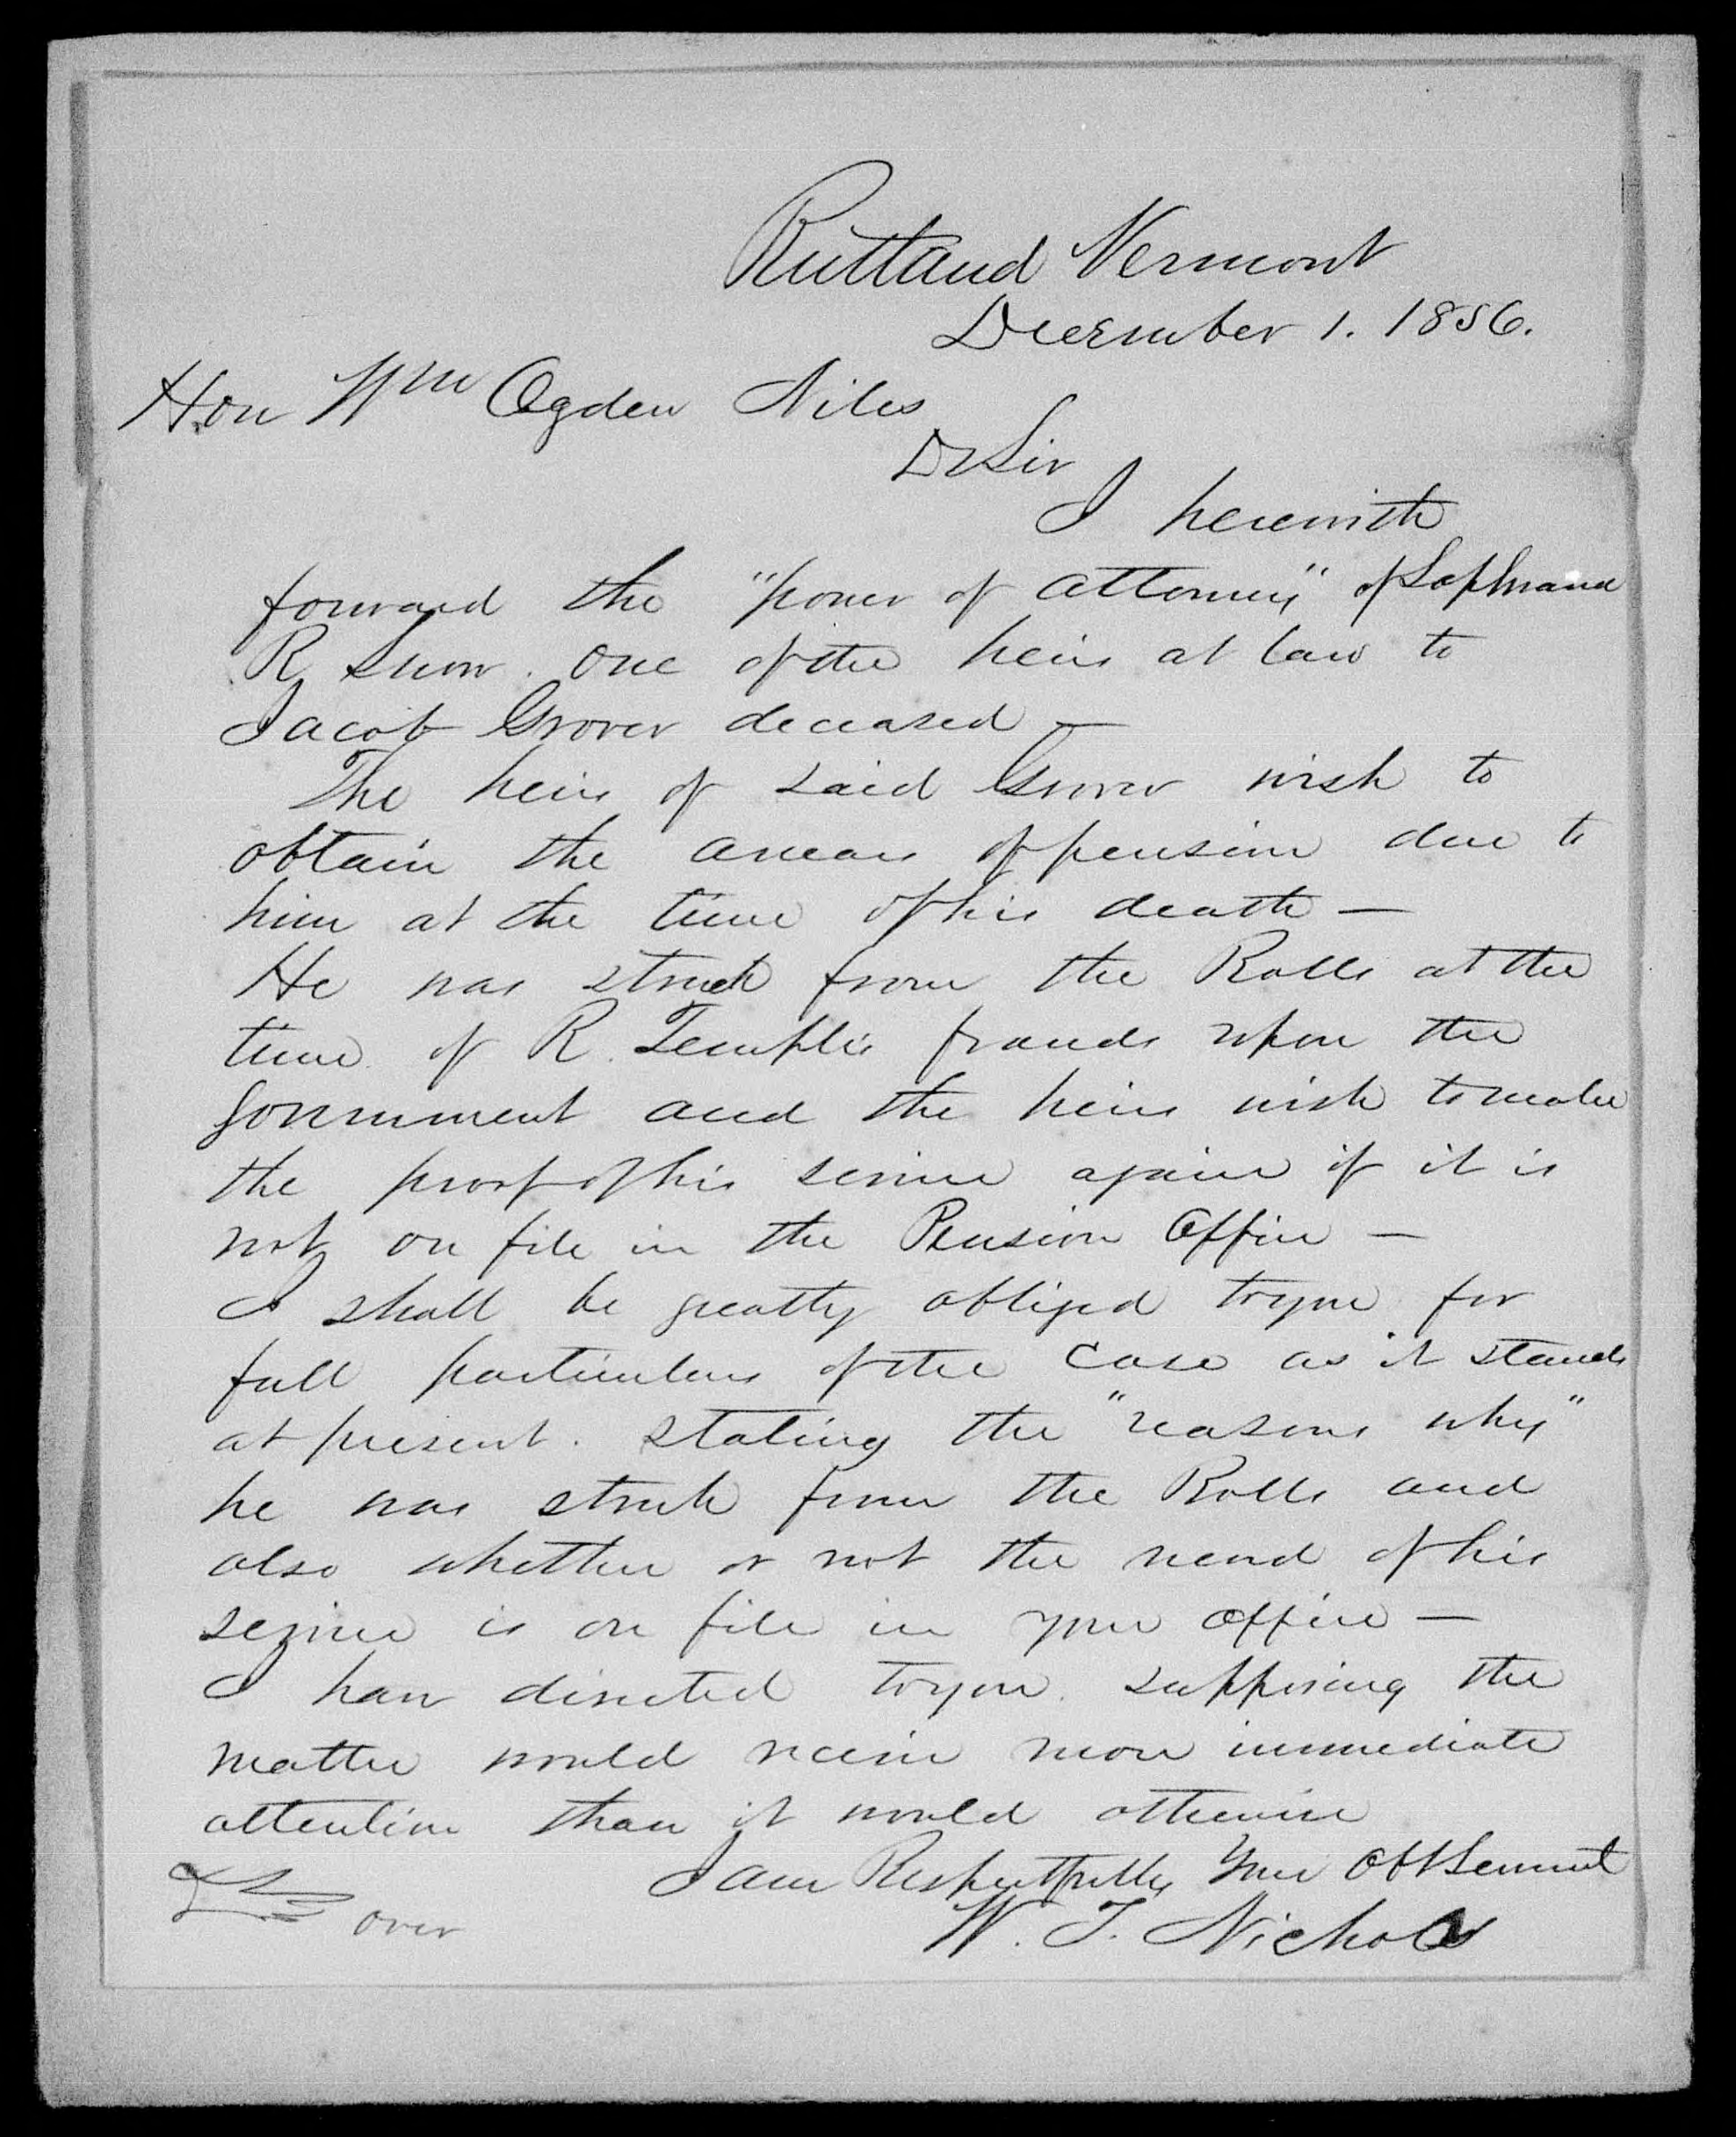Rutland Vermont
December 1, 1856
Hon Wm Ogden Niles
Dear Sir
I herewith forward the "power of attoney" of Sophrana R Snow one of the heirs at law to Jacob Grover deceased - The heirs of said Grover wish to obtain the arrears of pension due to him at the time of his death
He was struck from the Rolls at the time of R. Tecuple(?)Fraud upon the government and the heirs wish to make the proof of his service again if it is not on file in the Pension Office
I shall be greatly obliged to you for full particulars of the case as it stands at present. Stating the "reasons why" he was struck from the Rolls and also whether or not the record  of his service is on file in your office 
I have directed to you, supposing  the matter would (?) your immediate attention than it would otherwise
I am Respectfully your Obt Servant
W. T. Nichols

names: R Temple, W T Nichols, Sophrana R Snow, Jacob Grover, Wm Ogden Niles, Grover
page: 11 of 22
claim: survivor's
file: S. 38777, Jacob Grover, Continental (Vt.)